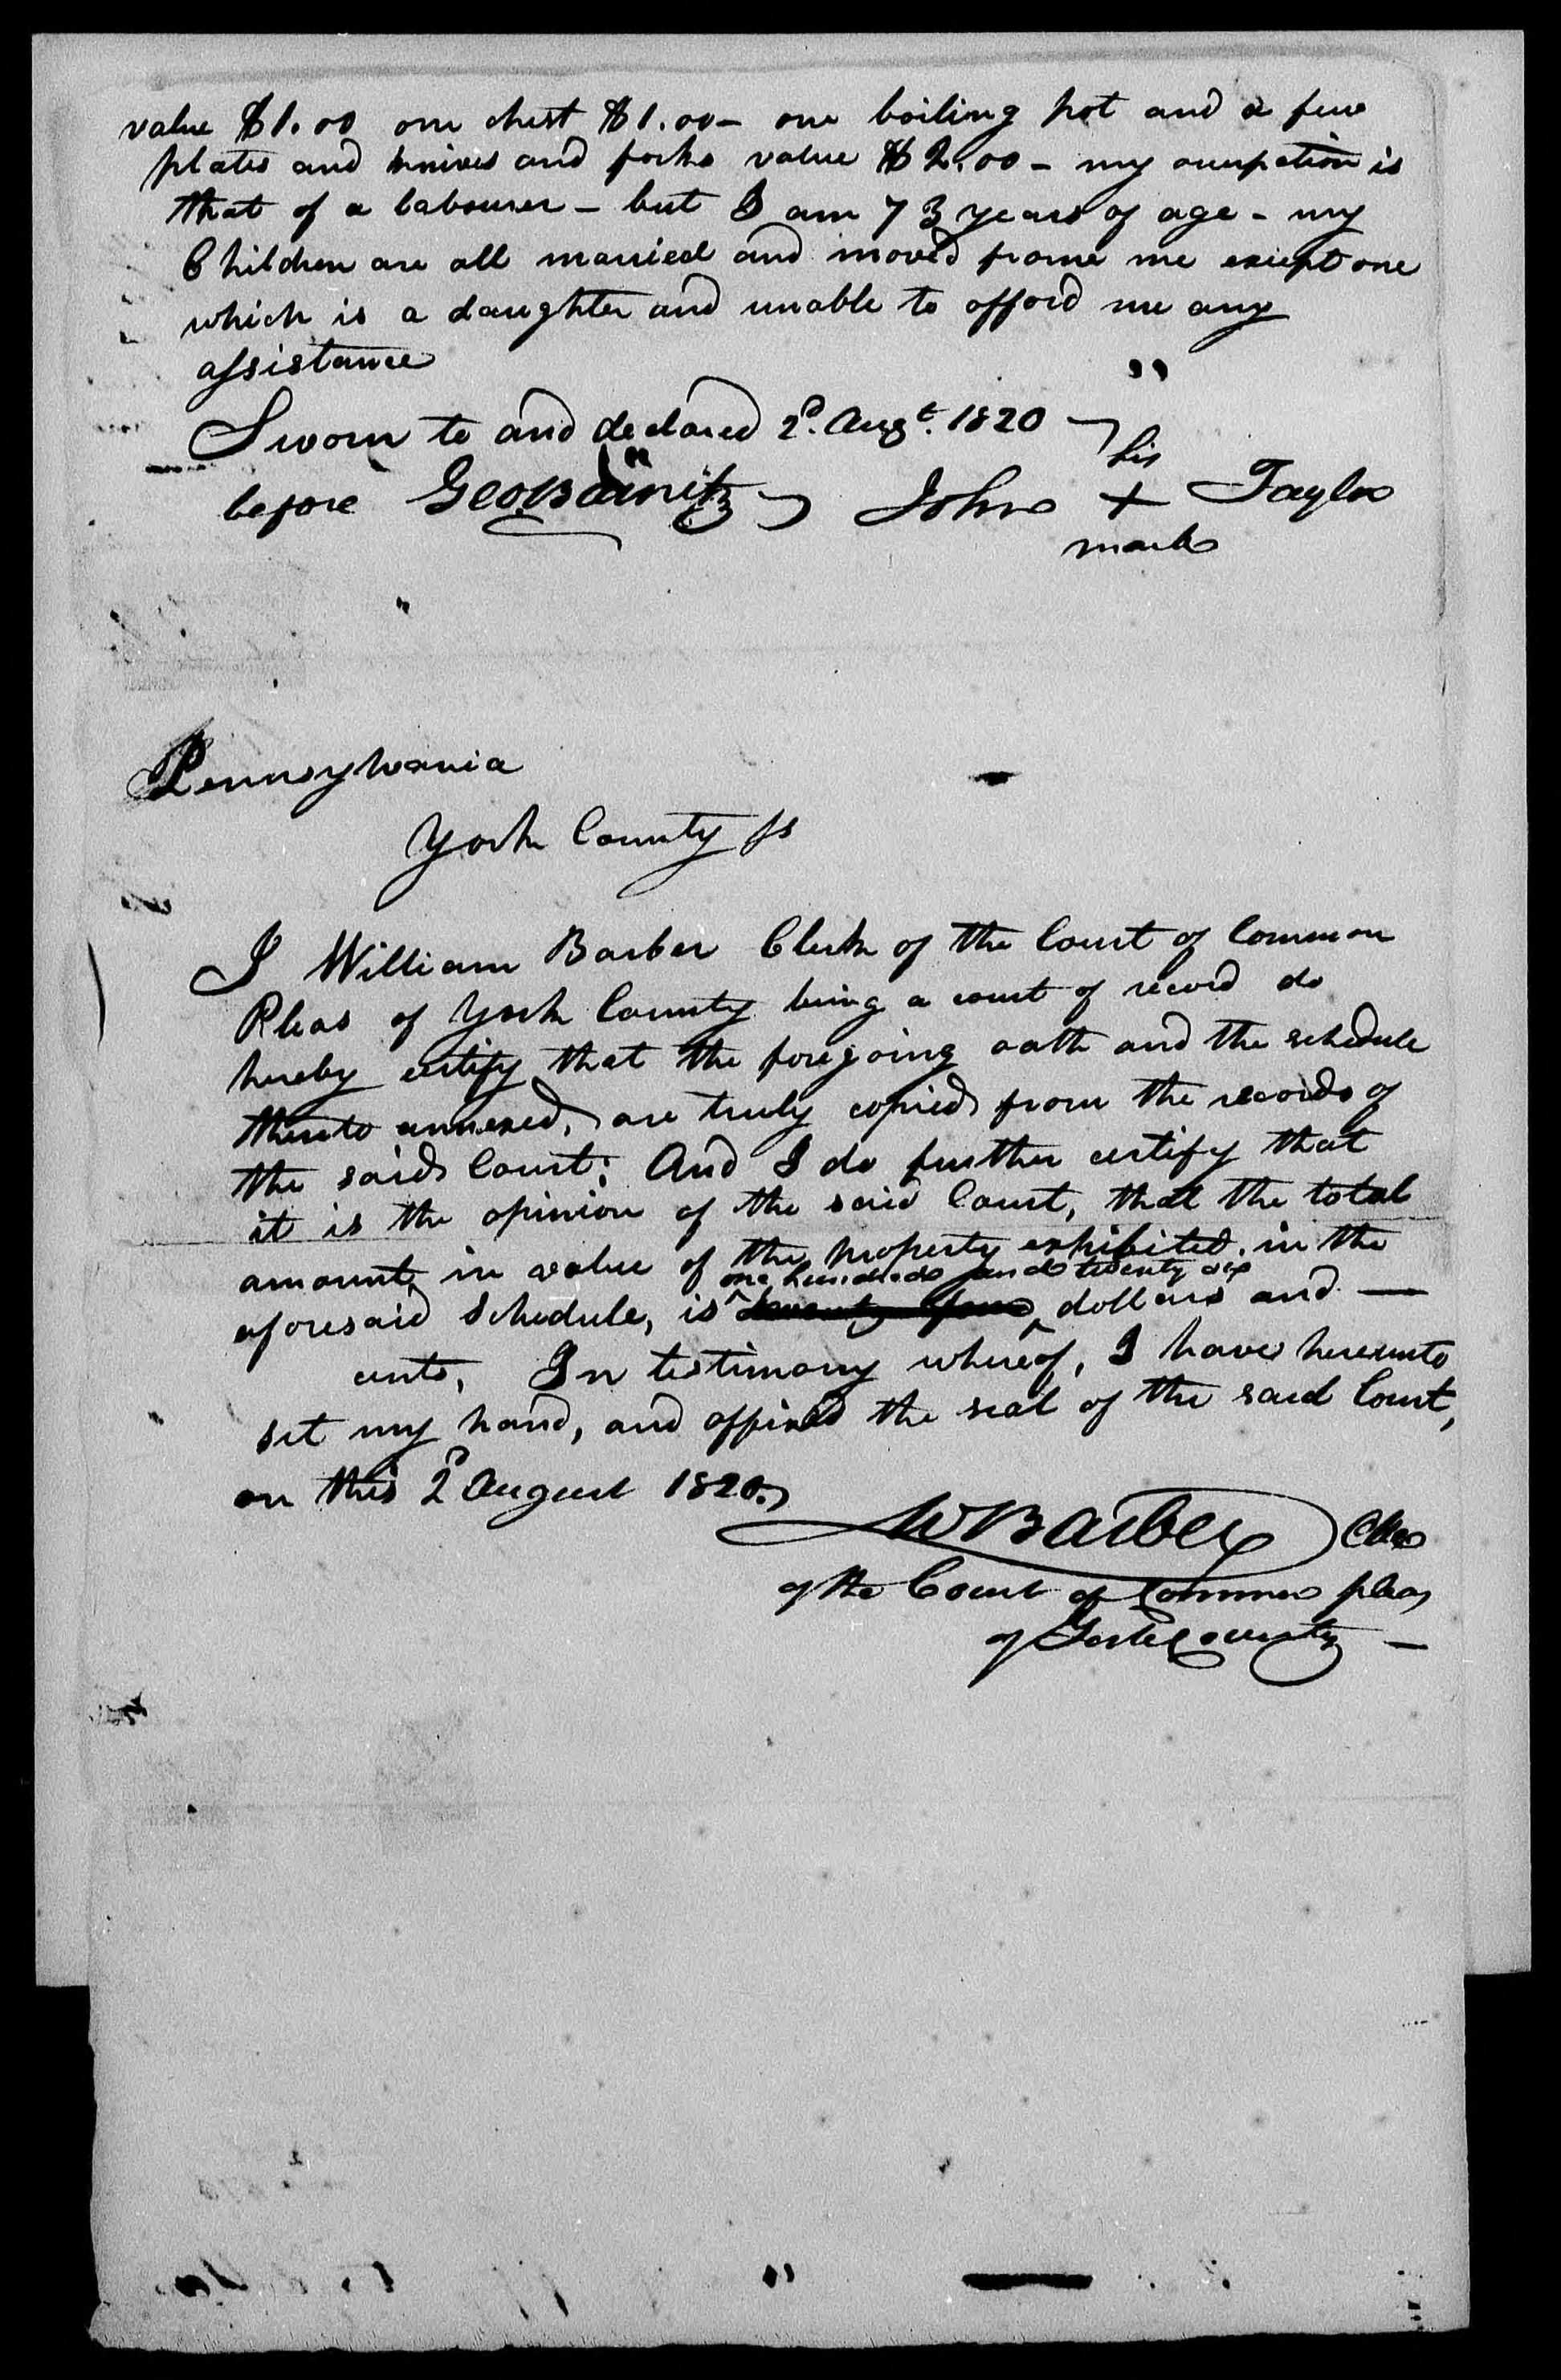value $1.00 one chest $1.00 - one boiling pot and a few plates and knives and forks value $2.00- my occupation is that of a laborer - but I am 73 years of age - my children are all married and moved from me except one which Is a daughter and unable to afford me any assistance. 

Sworn to and declared 2nd Aug 1820
before Georsanit (?)

John his X mark Taylor


Pennsylvania 
York county ss

I William Barber clerk of the Court of Common Pleas of York County being a court of record do hereby certify that the foregoing oath and the schedule thereto annexed, are truly copied from the records of the said court:  And I do further certify that it is the opinion of the said Court, that the total amount in value of the property exhibited in the aforesaid Schedule, is one hundred and twenty dollars and - cents,  In testimony whereof,  I have hereunto set my hand, and affixed the seal of the said Court, on this 2 August 1820.

W Barber. clk
of the Court of Common Pleas 
of York County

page: 5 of 9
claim: survivor's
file: S. 40,555, for John Taylor, New Jersey